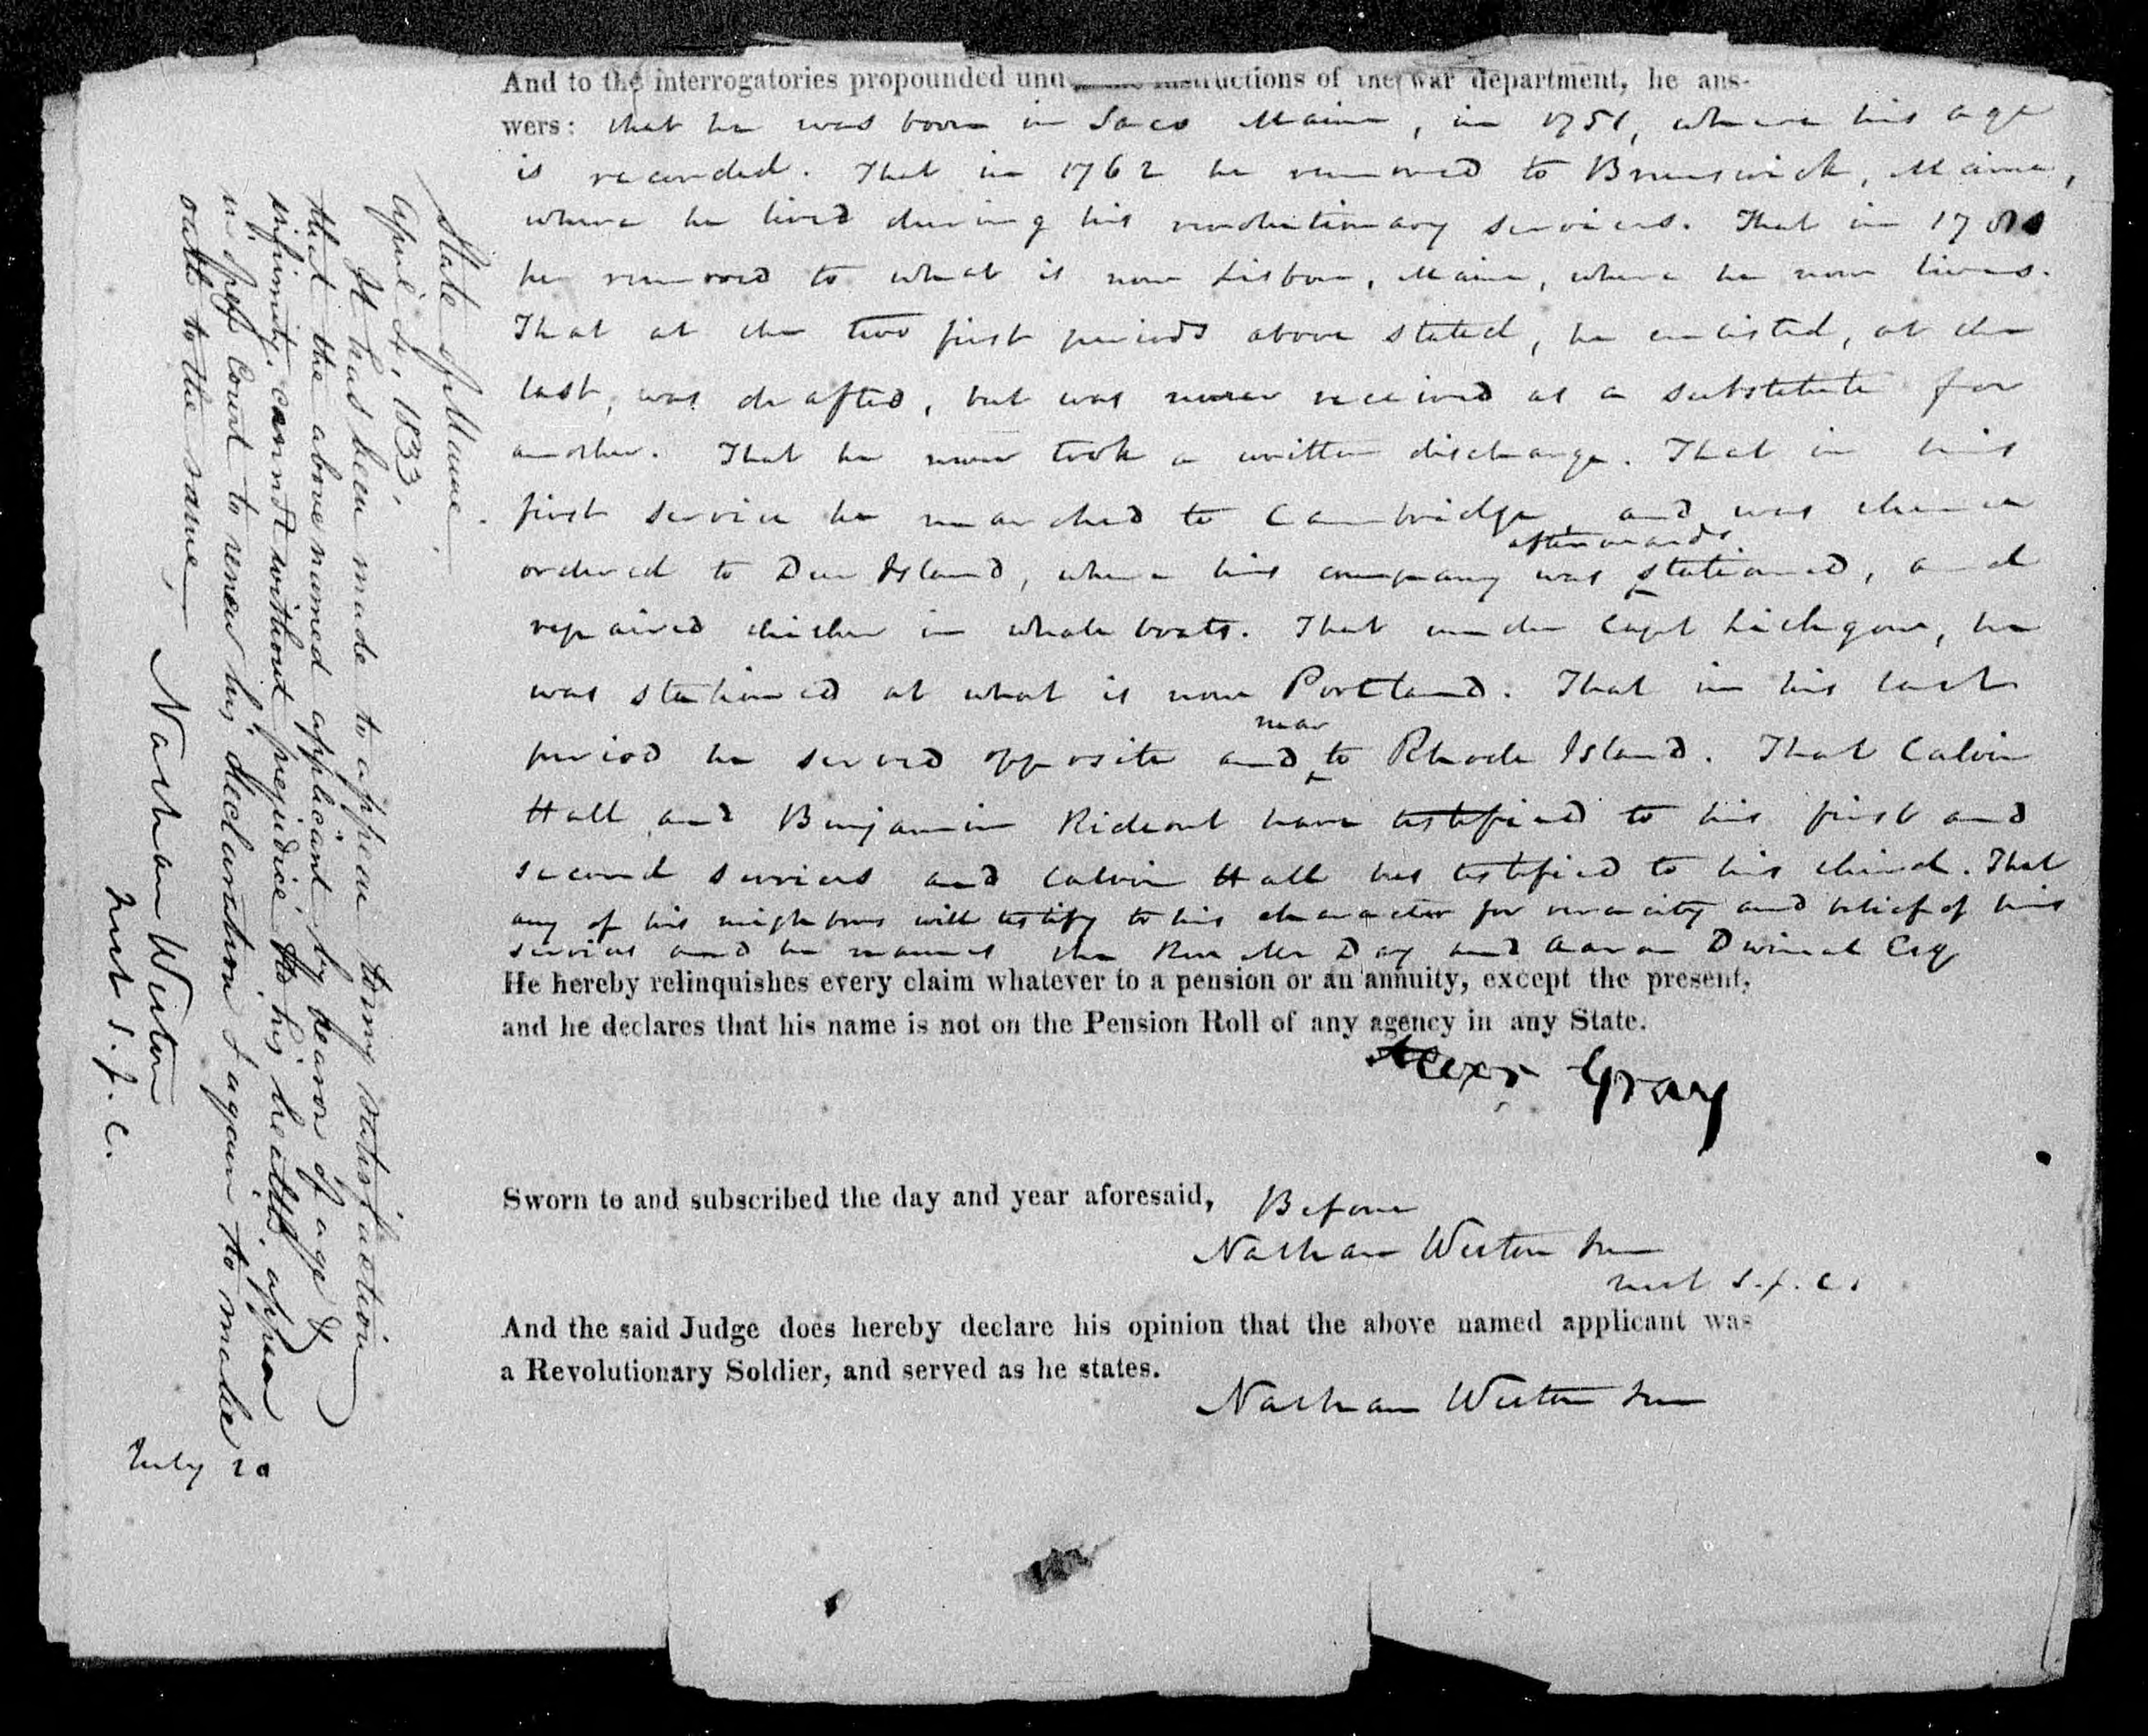And to the interrogatories propounded under the instruction of the war department, he
answers: that he was born in said Maine, in 1751, where his age
is recorded. That in 1762 he removed to Brunswick, Maine
where he lived during his revolutionary services. That in 1780
he removed to what is now Lisbon, Maine, where he now lives.
That at the two first periods above stated, he enlisted, at the
last, was drafted, but was never received as a substitute for
another. That he never took a written discharge. That in his
first service he marched to Cambridge and was the
ordered to Due Island, when his company [illegible] was stationed, and
repaired thither in whole boats. That under Capt Lithgow, he
was stationed at what is now Portland. That in his last
period he served opposite and near to Rhode Island. That Calvin
Hall and Benjamin Rideont have testified to his first and
second service and Calvin Hall his testified to his third. That
any of his neighbors will testify to his character for veracity and belief of his
service and his [illegible] Day and Aaron Dwinll Esq

He hereby relinquishes every claim whatever to a pension or an annuity, except the present;
and he declares that his name is not on the Pension Roll of any agency in any State.
Alexr Gray

Sworn to and subscribed the day and year aforesaid,
Before
Nathan Weston Jun'r S. J. C.

And the said Judge does hereby declare his opinion that the above named applicant was a
Revolutionary Soldier, and served as he states.
Nathan Weston  Jun'r 

State of Maine
April 4, 1833
It has been made to appear to my satisfaction
that the above named applicant by reason of age and 
infirmity cannot without prejudice to his health appear 
in [illegible] Court to renew his declaration. I agree to make 
oath to the same

Nathan Weston  Jun'r  S. J. C.
July 2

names: Aaron Dwinal, Nathan Weston, Calvin Hall, Nathan Weston, Benjamin Rideout, Nathan Weston, Alexr Gray, Calvin Hall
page: 12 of 13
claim: survivor's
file: S. 18845, Alexander Gray, Mass.